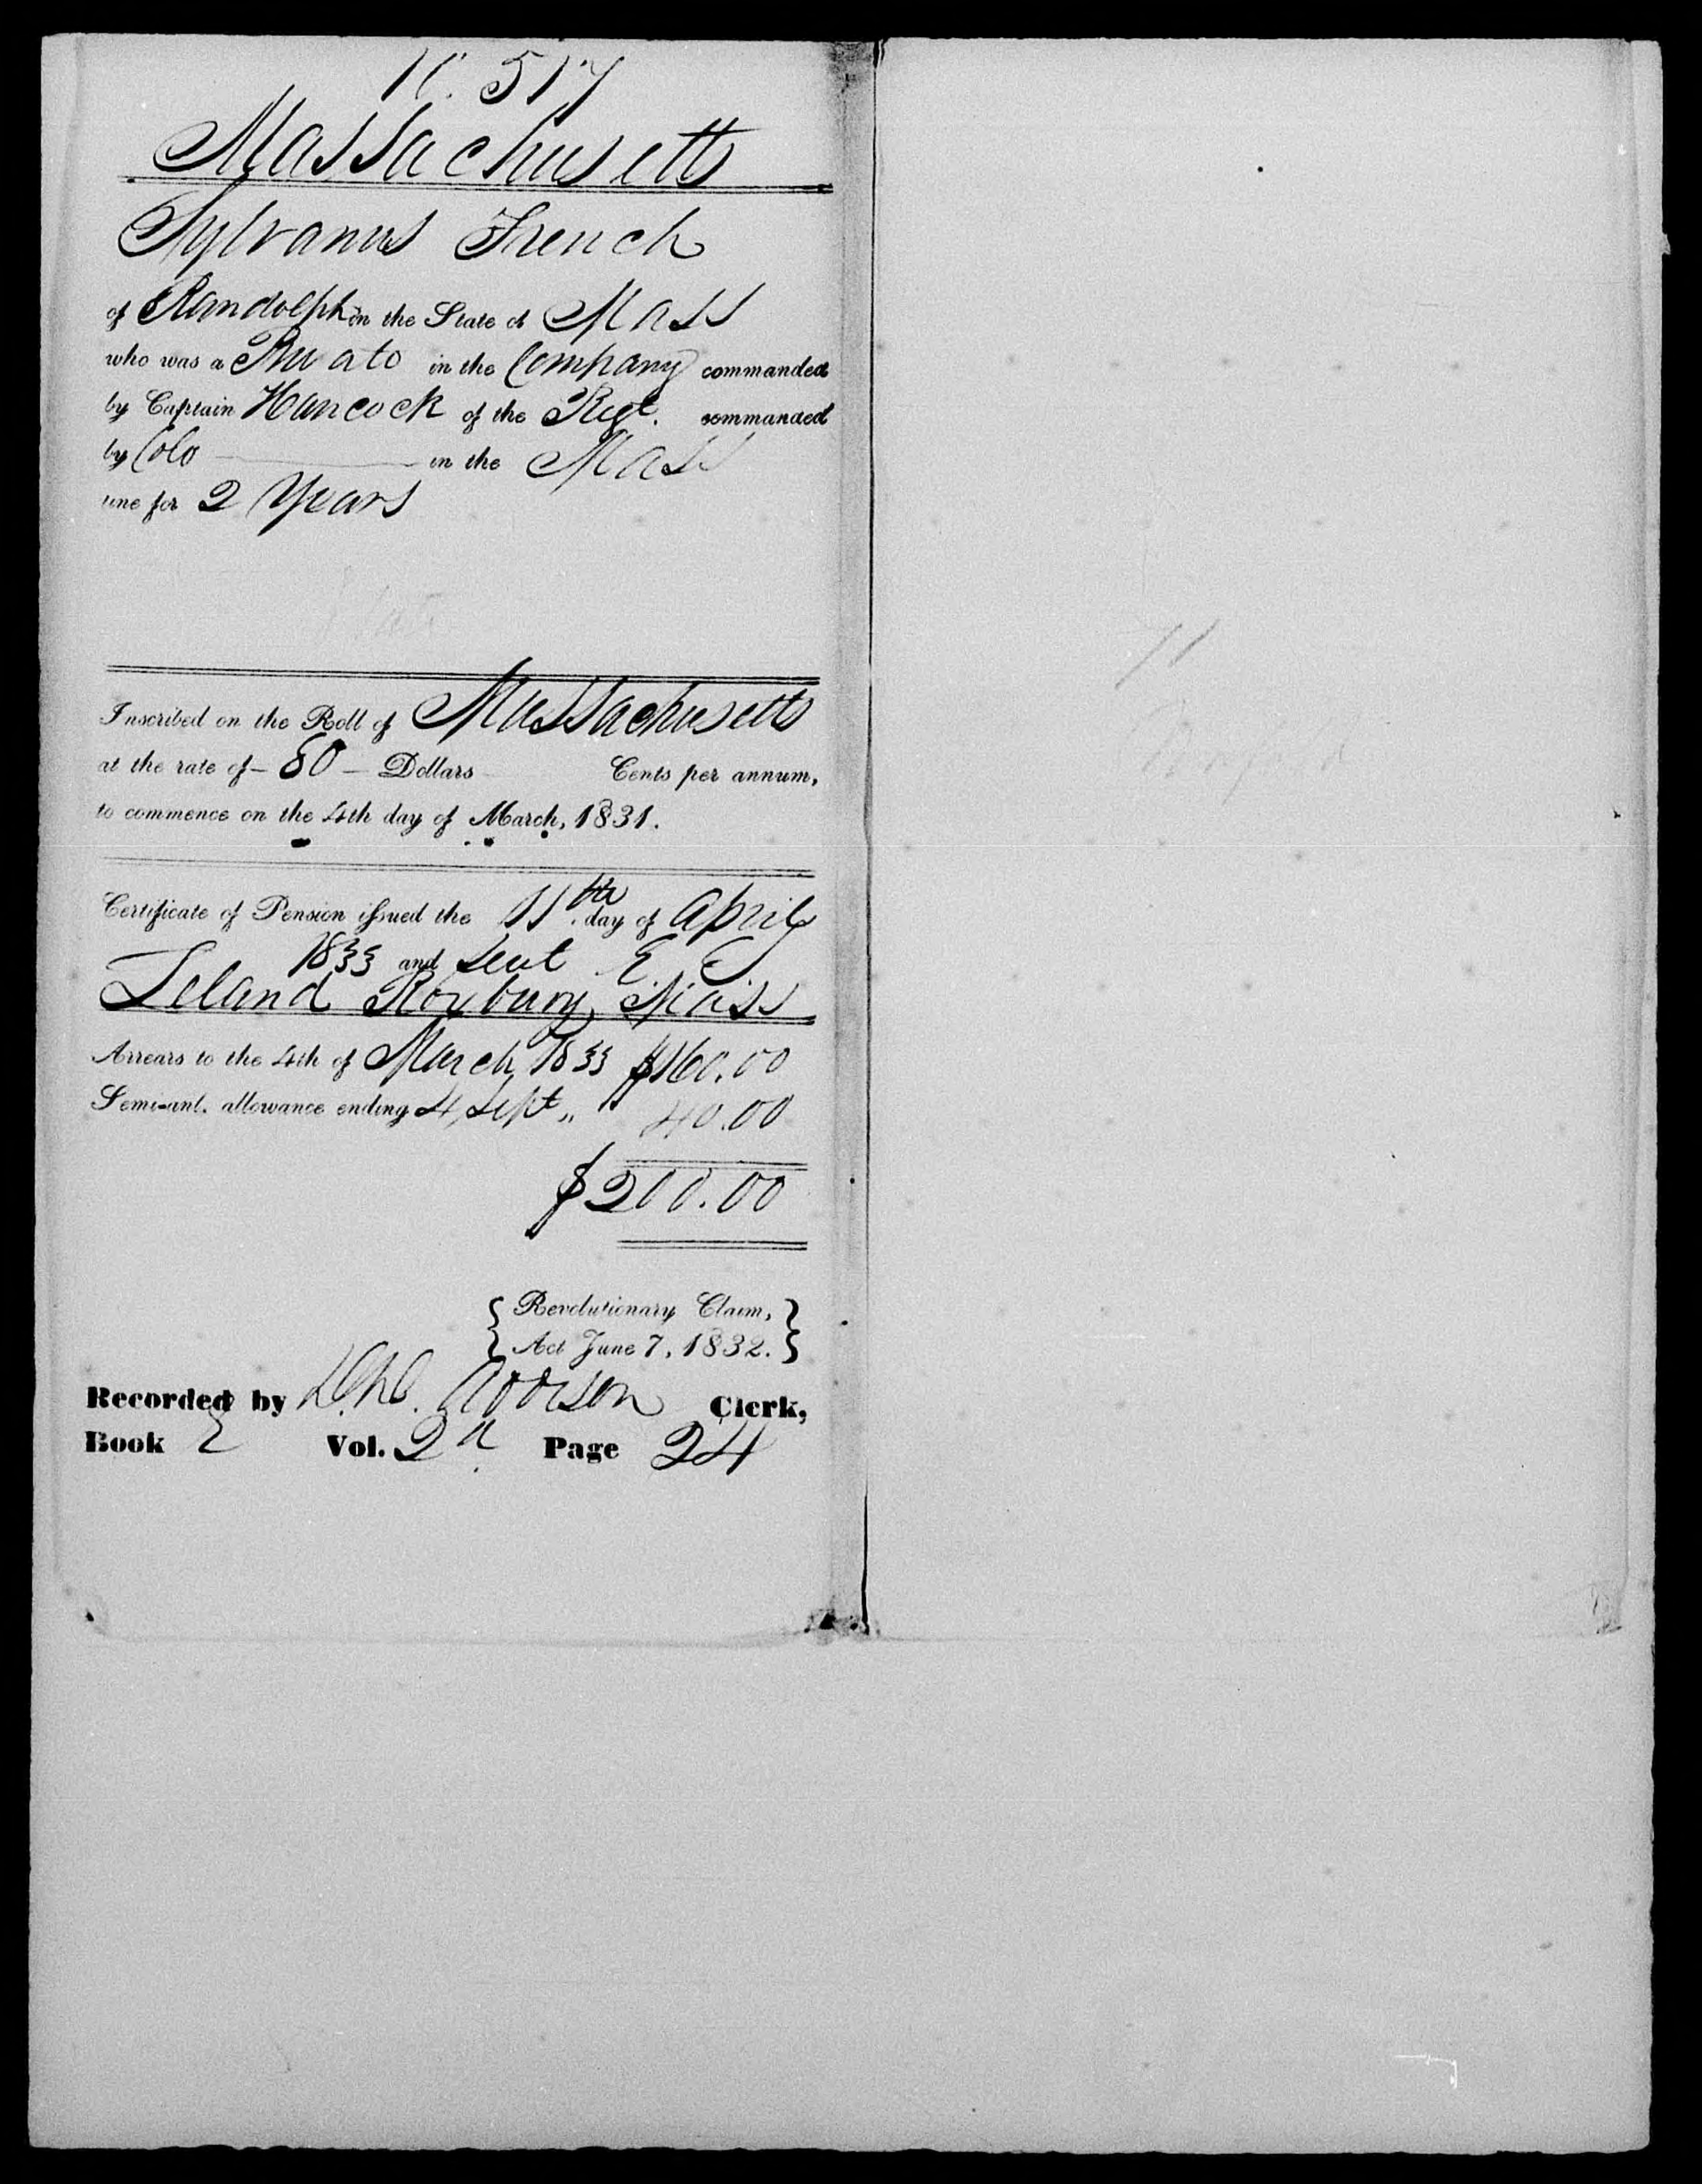10.517
Massachusetts 
Sylvanus French
of Randolph in the State of Mass
who was a Private in the Company commanded
by Captain Hancock of the Regt. commanded
by Colo ----- in the Mass
line for 2 years

Inscribed on the Roll of Massachusetts
at the rate of - 80 - Dollars    Cents per annum,
to commence on the 4th day of March, 1834.

Certificate of Pension issued the 11th day of April, 1833 and
sent E.S. 
Leland Roxbury Mass

Arrears to the 4th of March 1833 $160.00
Semi-anl. allowance ending 4, Sept " $40.00
$200.00

{Revolutionary Claim,}
{Act Jun 7, 1832.        }
 
Recorded by D.D. Addison Clerk,
Book [illegible] Vol. 2[illegible] Page 24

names: D D Addison, Hancock, E S Leland, Sylvanus French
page: 38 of 38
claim: widow's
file: W. 24,235, Silvanus French, Mass.